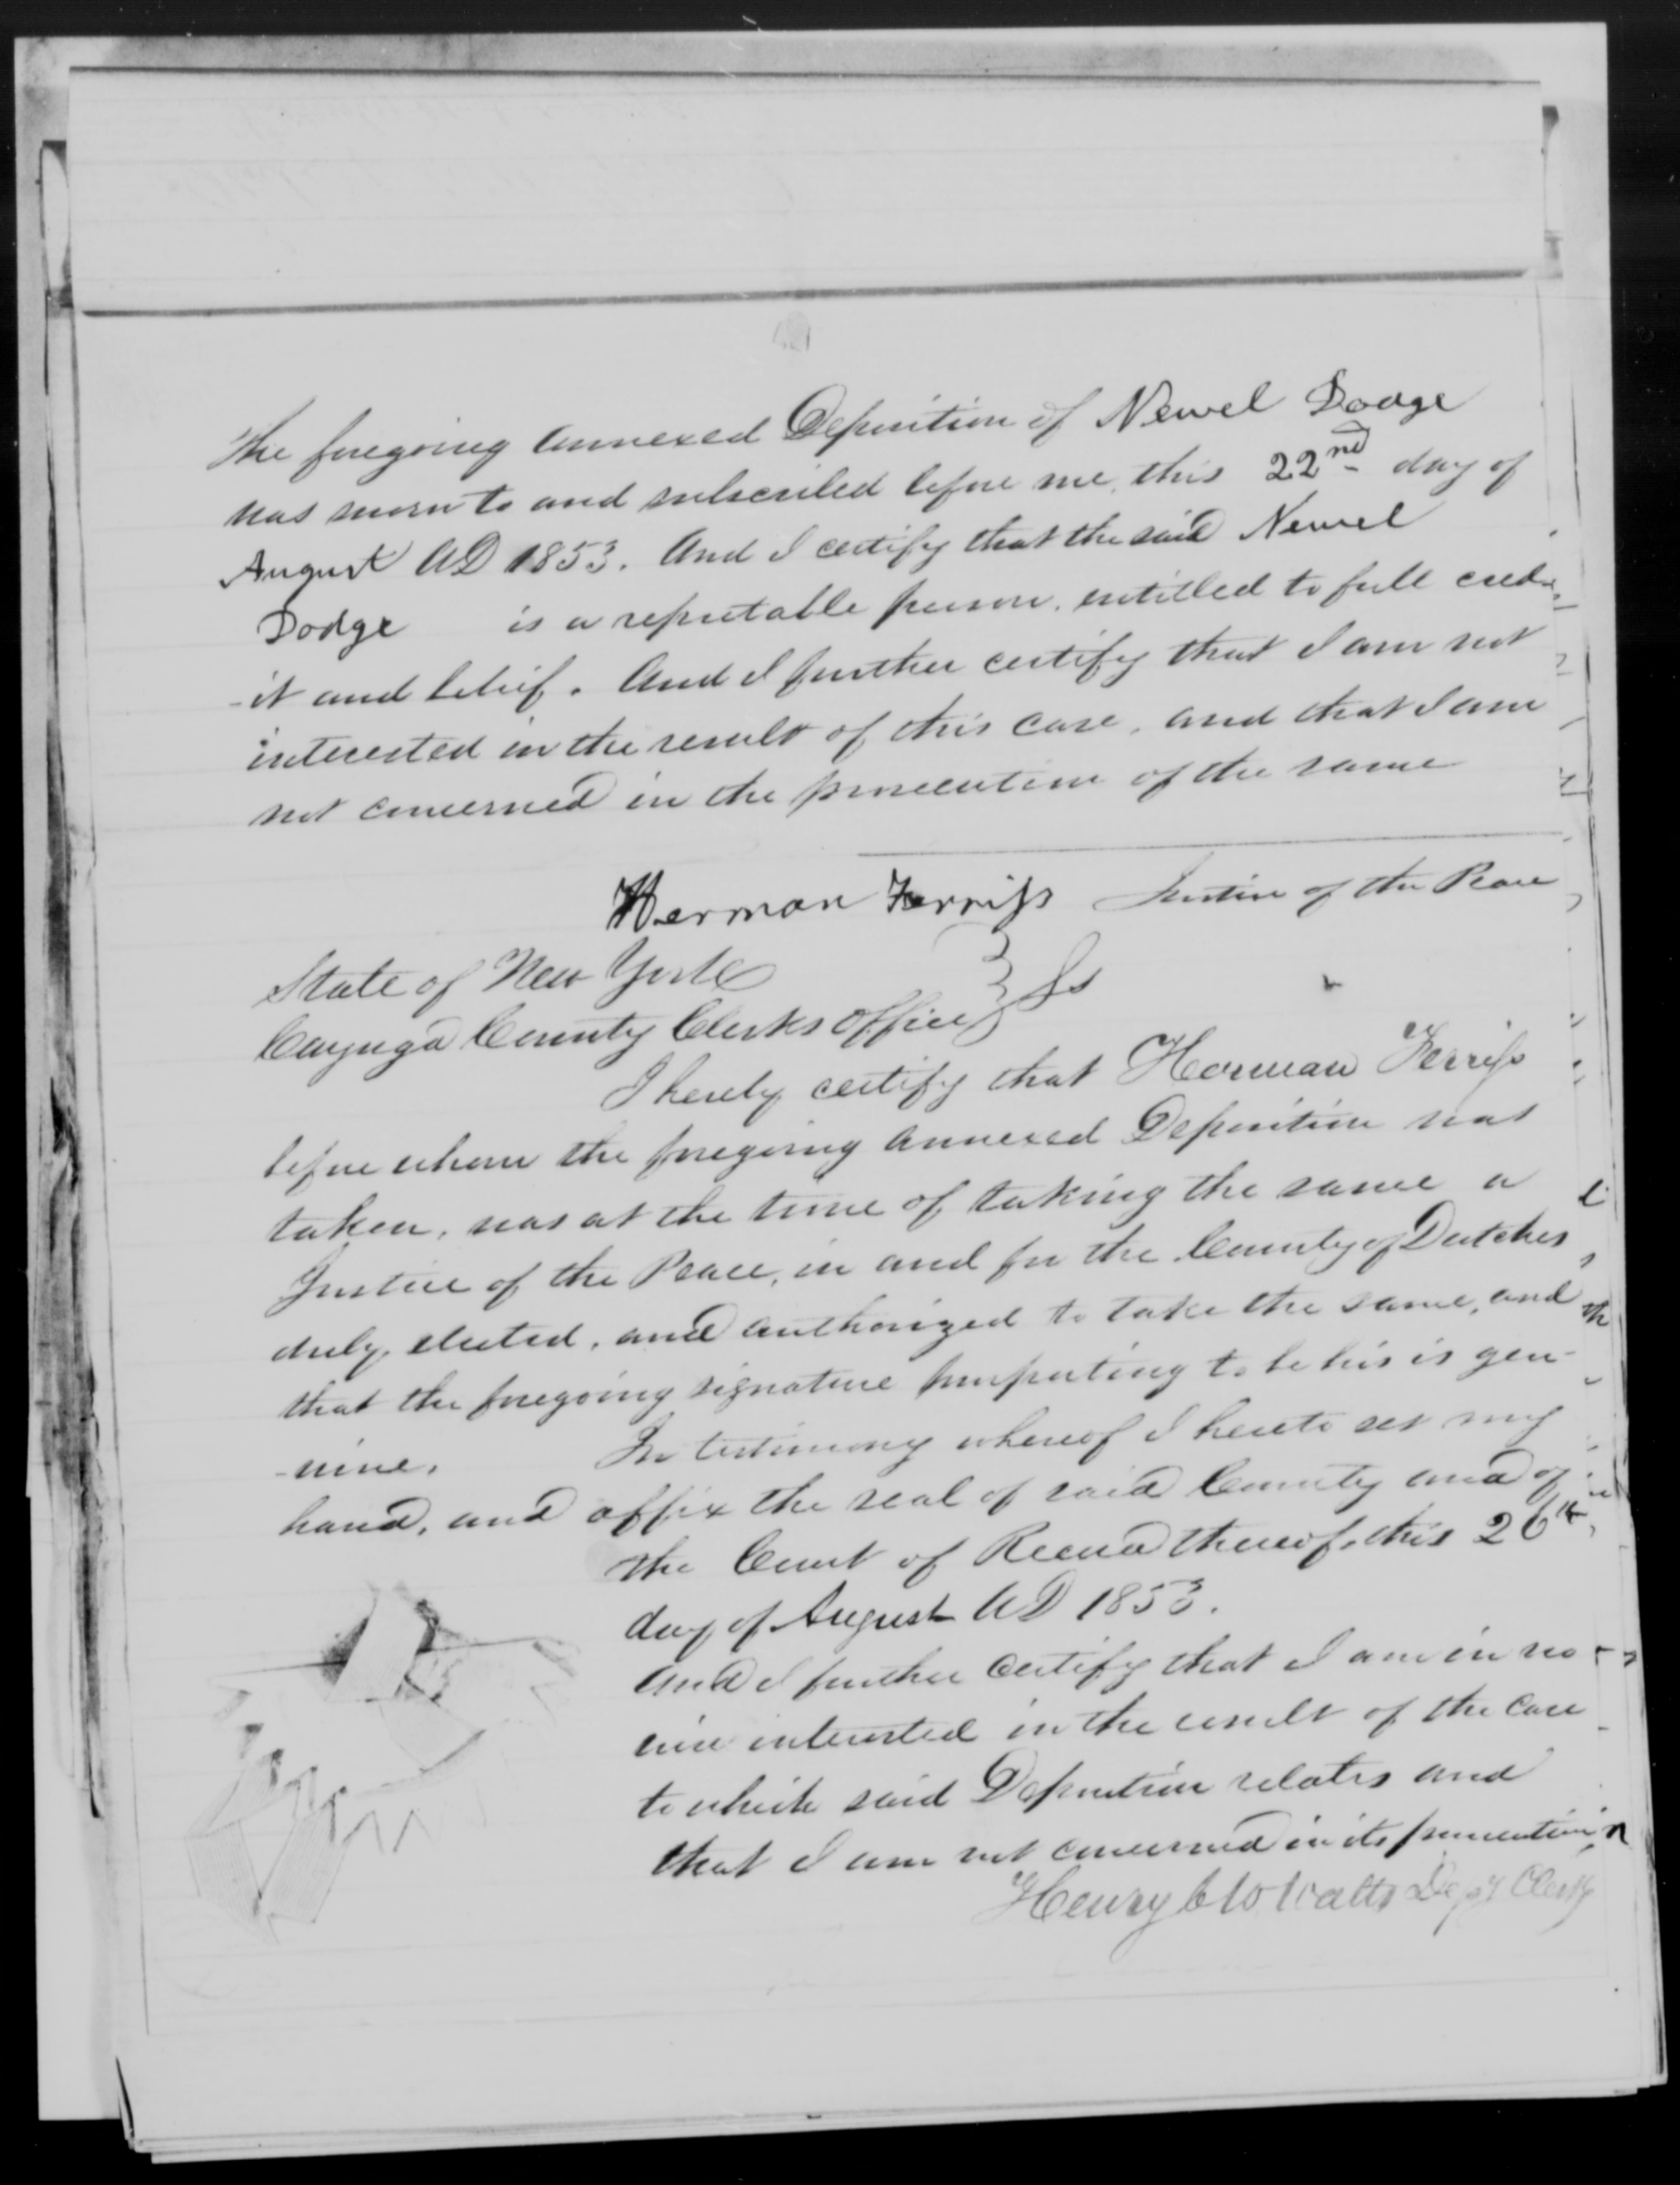the foregoing annexed Deposition of Newel Dodge was sworn to and subscribed before me this 22nd day of August AD 1853. And I certify that the said Newel Dodge is a reputable person entitled to full credit and belief. And I further certify that I am not interested in the result of this case, and that I am not concerned in the prosecution of the same 
Herman Ferriss Justice of the Peace 

State of New York 
Cayuga County Clerks Office SS  I hereby certify that Herman Ferriss before whom the foregoing annexed Deposition was taken, was at the time of taking the same a Justice of the Peace in and for the County of Dutches duly elected, and authorized to take the same, and the that the foregoing signature purporting to be his is genuine, In testimony whereof I hereto set my hand and affix the seal of said County and of the Court of Record thereof, this 26th day of August AD 1853 and I further certify that I am in no time interested in the result of the case to which said Deponent relates and that I am not concerned in its prosecution.
Henry C Watts Dep Clerk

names: Herman Ferriss, Newel Dodge, Henry C W Walls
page: 14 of 77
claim: widow's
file: W. 19658, John Woodin, New York